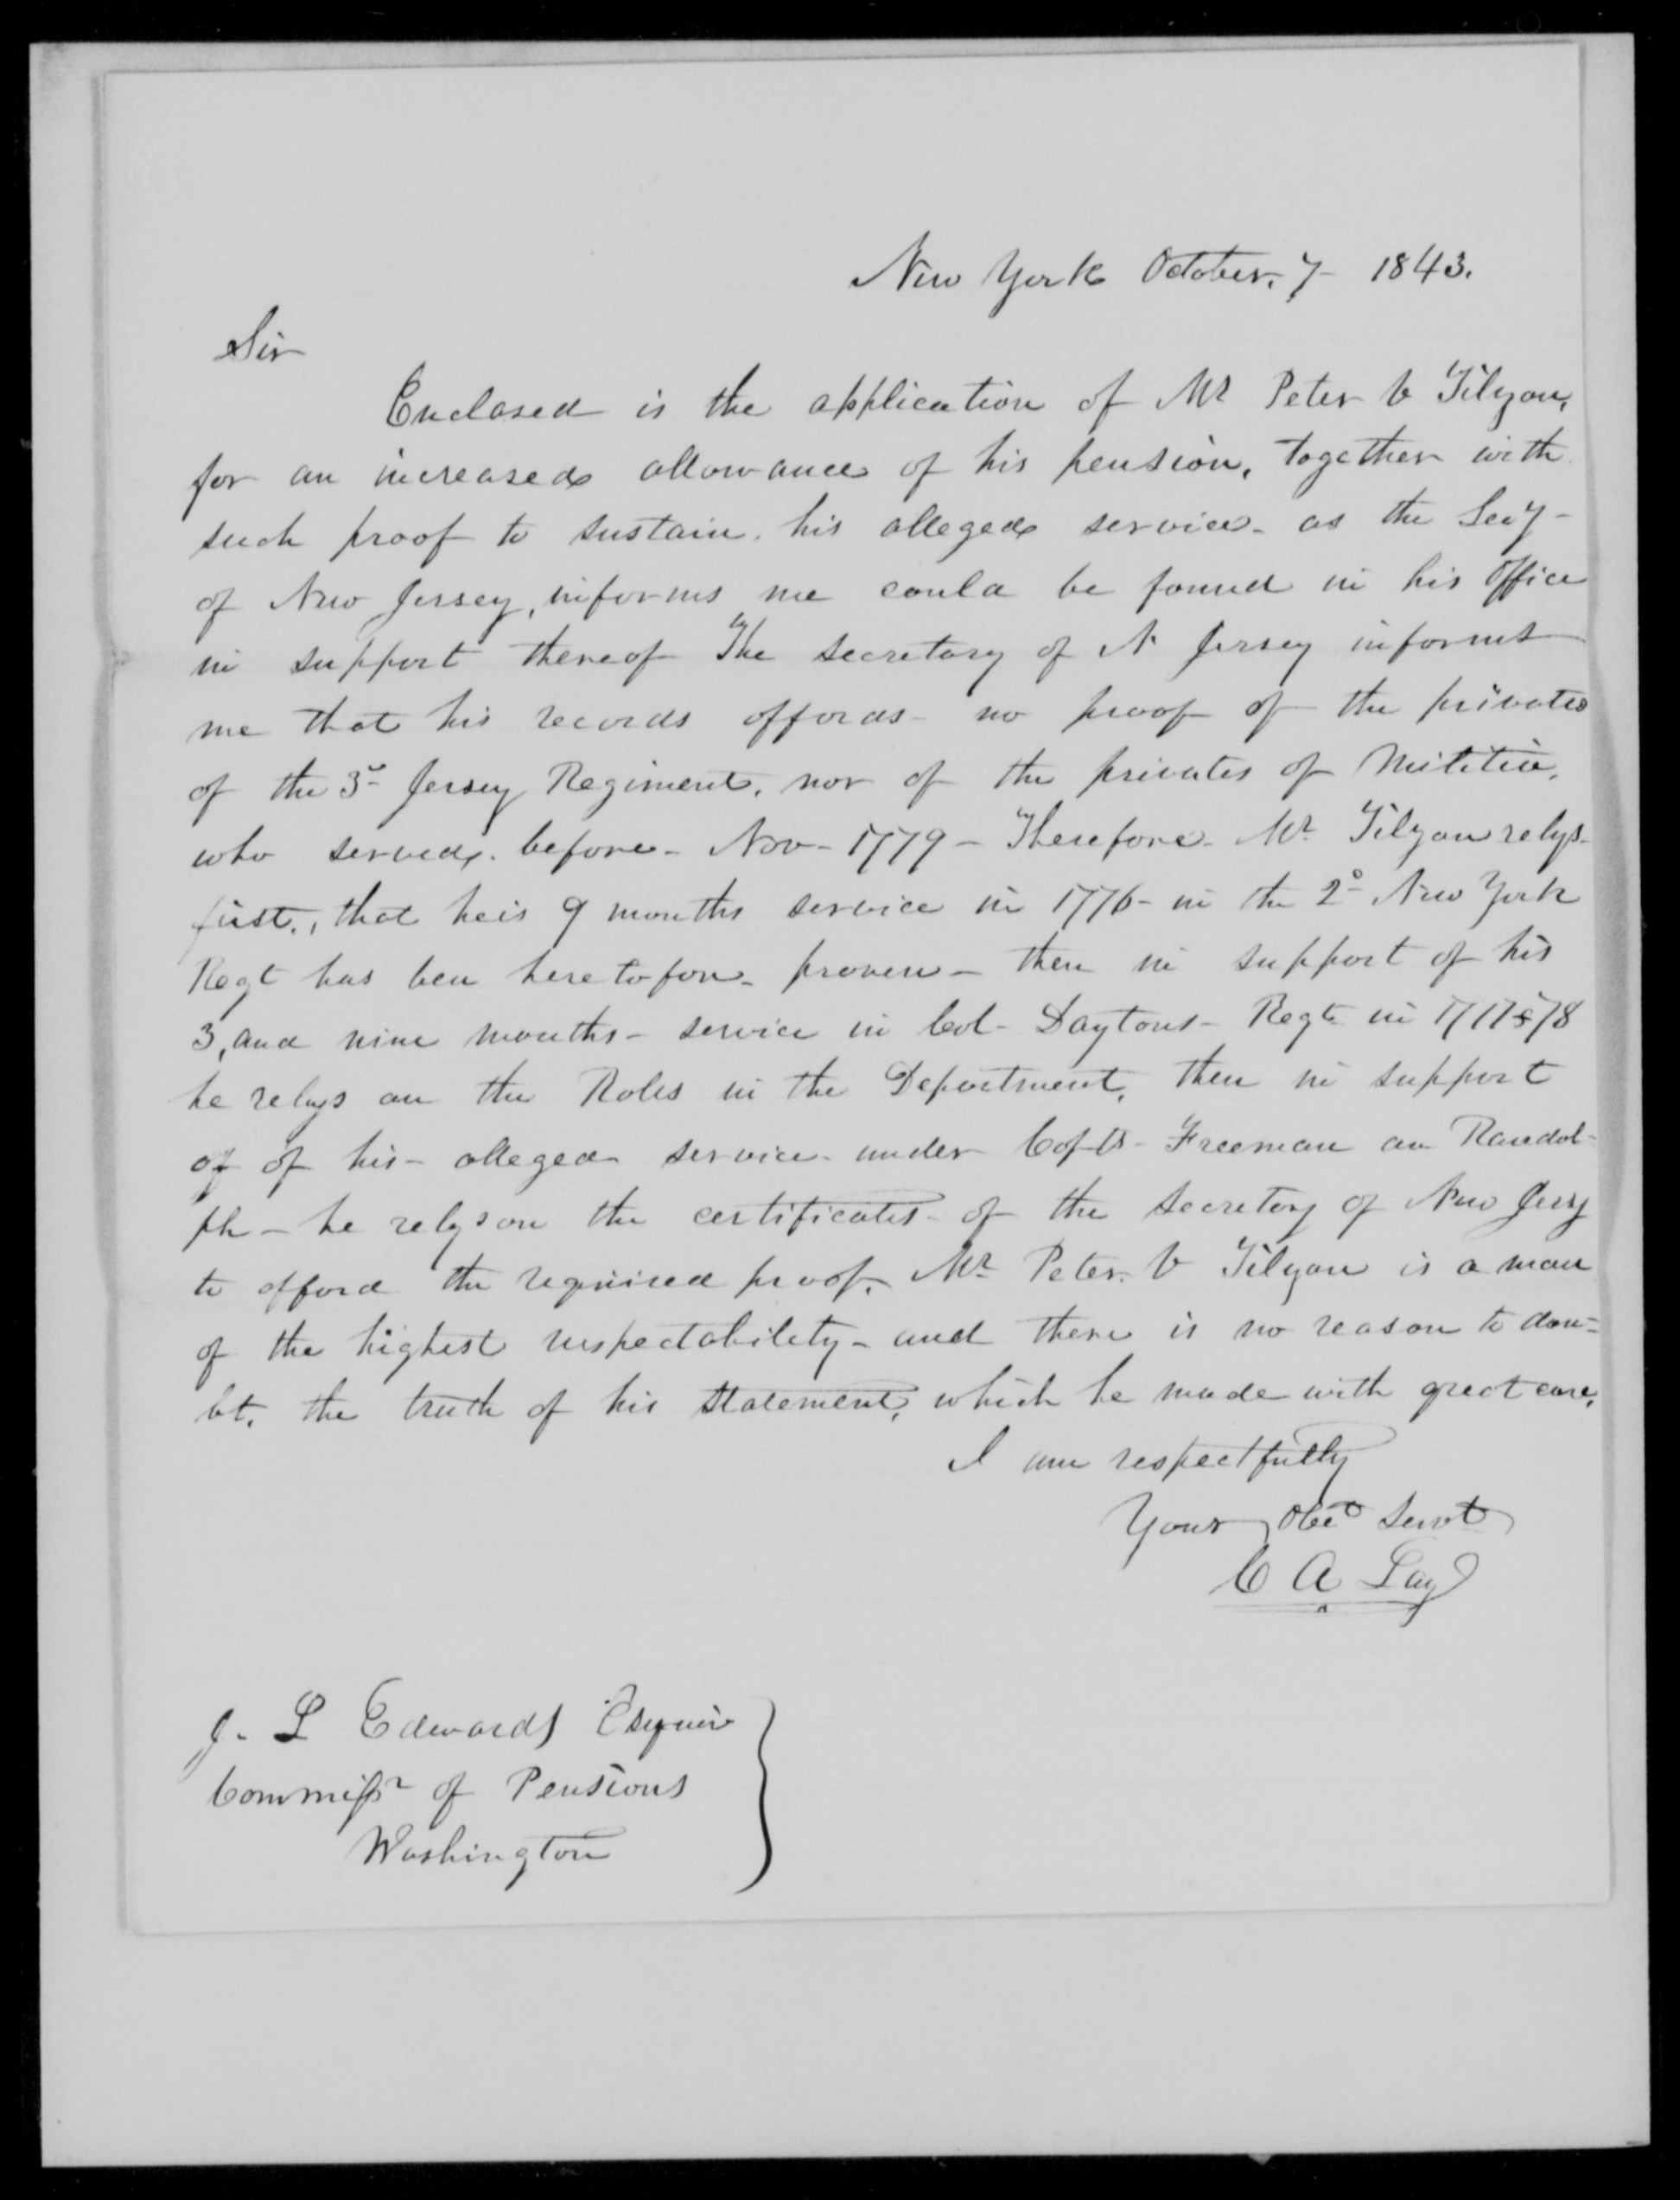New York October 7 - 1843.

Sir,

    Enclosed is the application of Mr. Peter V. Tilyou for an increased allowance of his pension, together with such proof to sustain his alleged service, as the Sect of New Jersey informed me could be found in his office in support thereof. The Secretary of N.Jersey informed me that his record offers no proof of the privates of the 3rd Jersey Regiment, nor of the privates of the Militia, who served before Nov. 1779. Therefore Mr. Tilyou relays first that his 9 month service in 1776 in the 2nd New York Regt has been heretofore proven - There is support of his 3, and nine months service in Col. Daytons Regt in 1777&78.  He relys [relies] on the Notes in the Department, then in support of of his alleged service under Capts. Freeman and Randolph - he relys [relies] on the certificates of the Secretary of New Jersey to afford the required proof. Mr. Peter V. Tilyou is a man of the highest respectability- and there is no reason to doubt the truth of his statement which he made with great care.

                                       I am respectfully
                                          Your Obed Servt
                                          C. A Lay

J. L Edwards Esquire
Commissioner of Pensions
Washington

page: 35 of 101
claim: widow's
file: W. 25481, for Peter V Tilyou, New Jersey